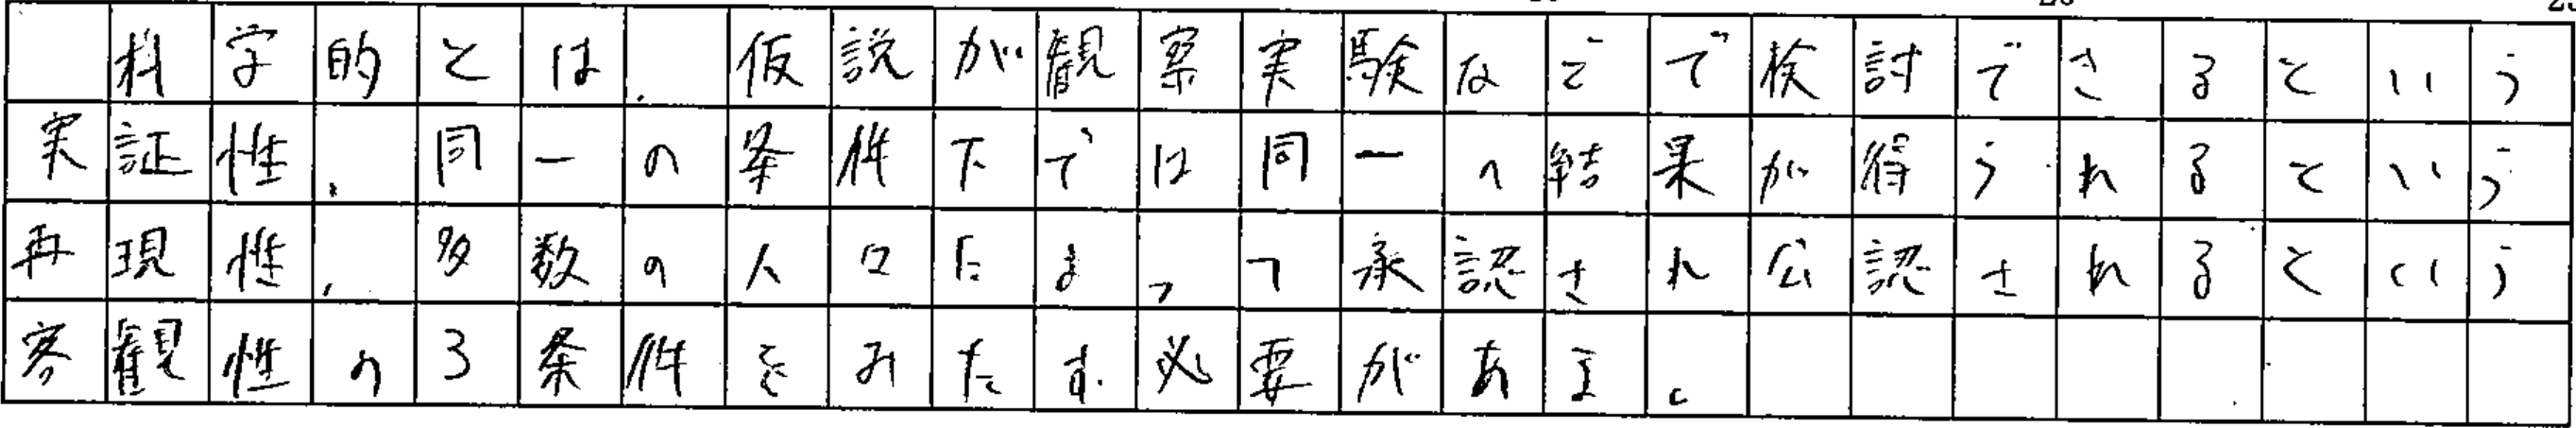　科学的とは、仮説が観察実験などで検討できるという実証性、同一の条件下では同一の結果が得られるという再現性、多数の人々によって承認され公認されるという客観性の３条件をみたす必要がある。
